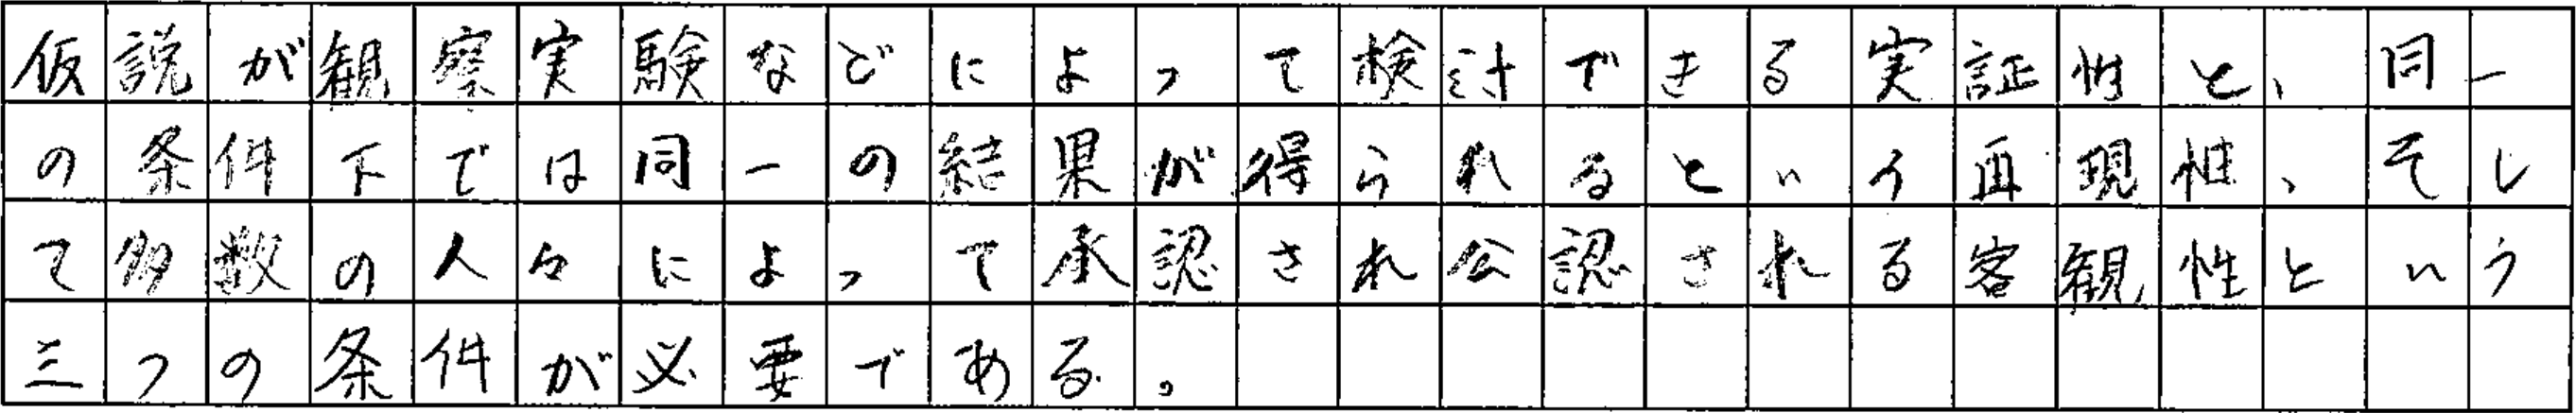仮説が観察実験などによって検討できる実証性と、同一の条件下では同一の結果が得られるという再現性、そして多数の人々によって承認され公認される客観性という三つの条件が必要である。
